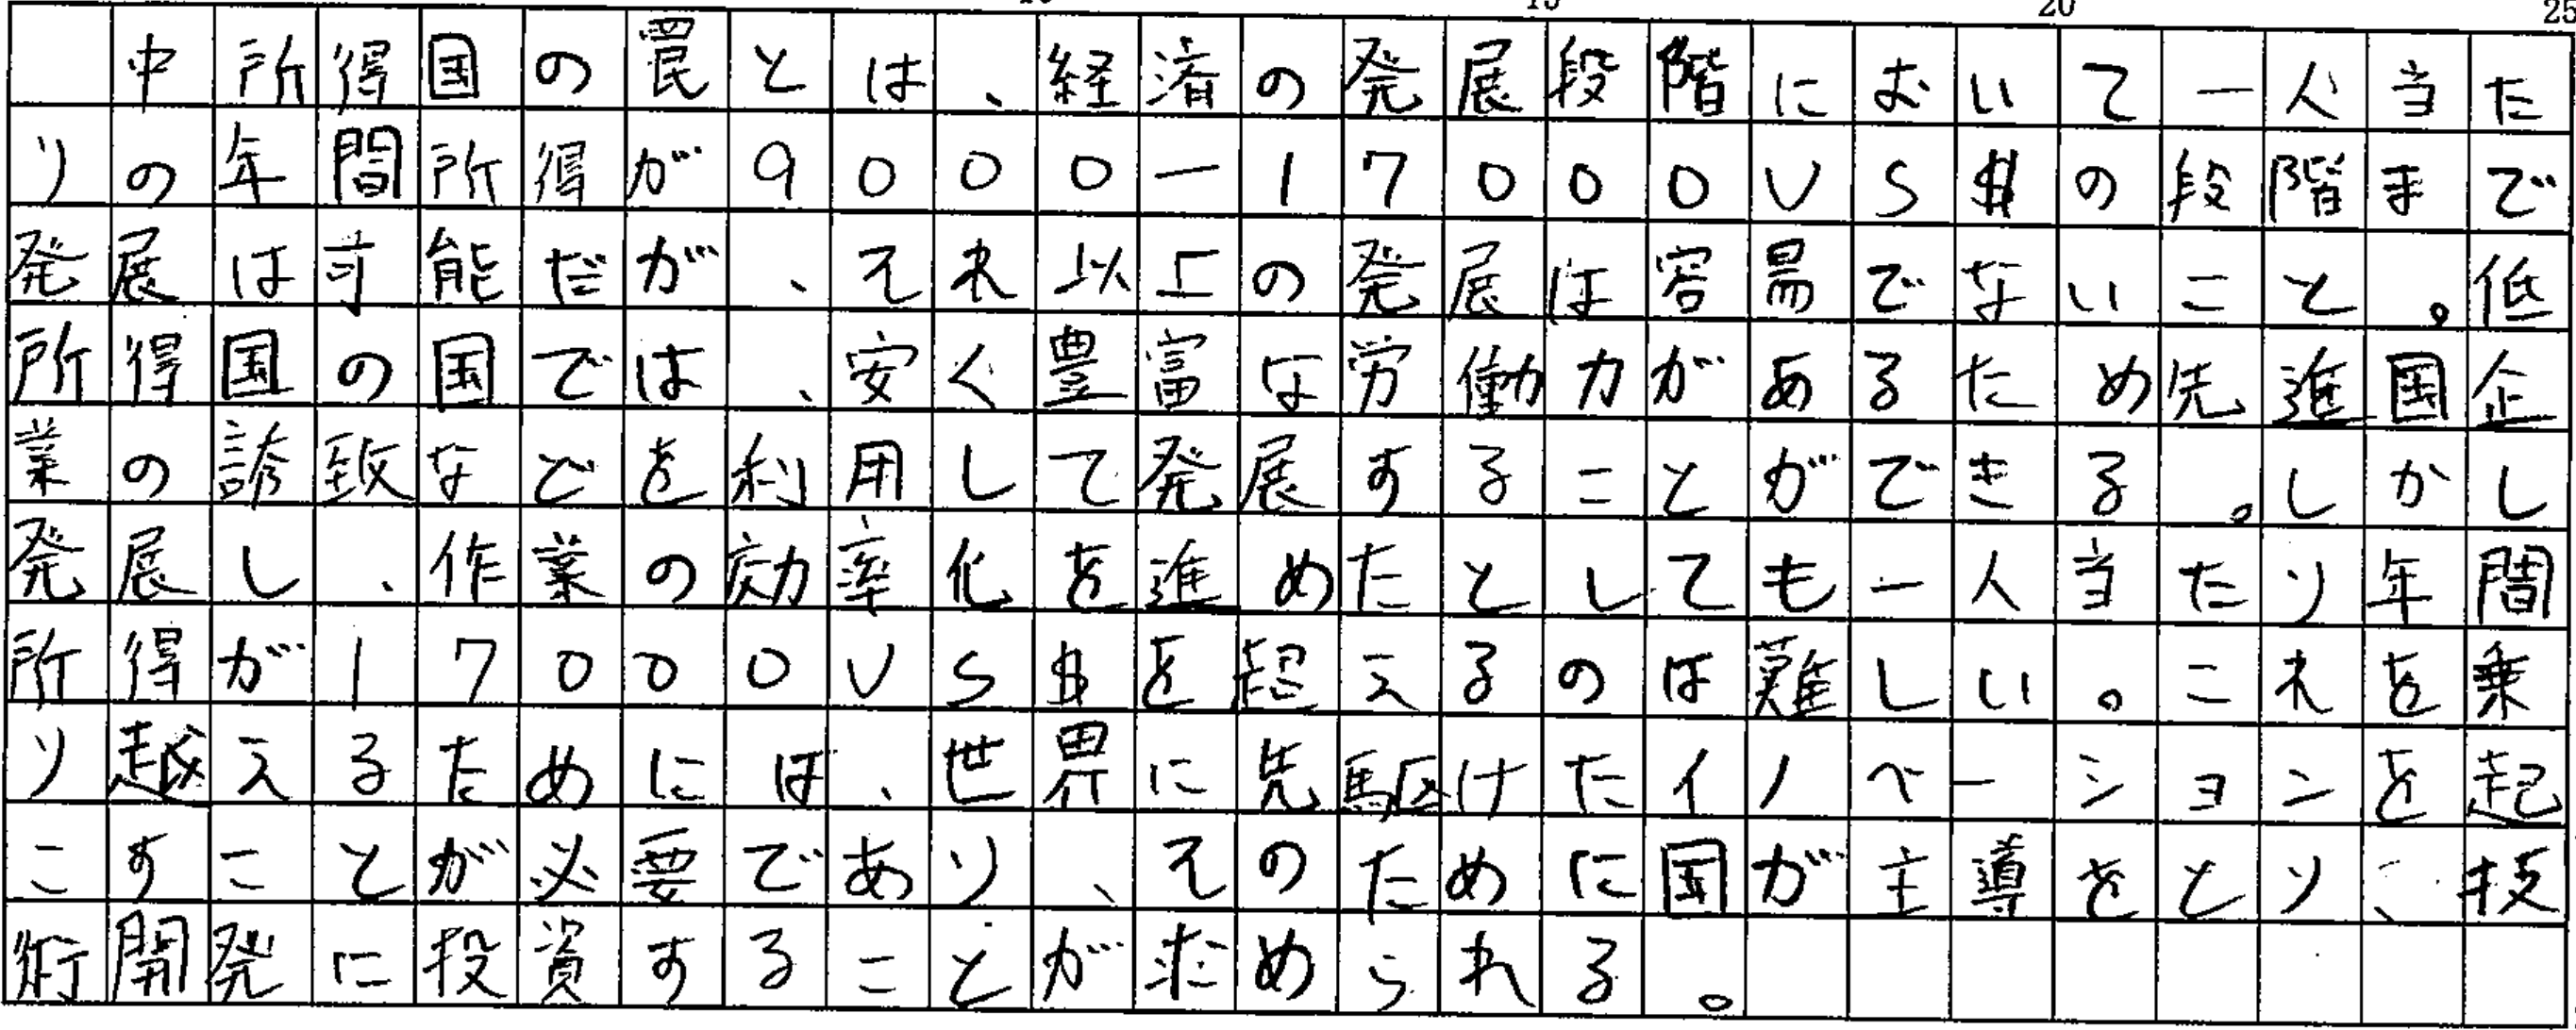　中所得国の罠とは、経済の発展段階において一人当たりの年間所得が９０００－１７０００ＵＳ＄の段階まで発展は可能だが、それ以上の発展は容易でないこと。低所得国の国では、安く豊富な労働力があるため先進国企業の▁致などを利用して発展することができる。しかし発展し、作業の効率化を進めたとしても一人当たり年間所得が１７０００ＵＳ＄を超えるのは難しい。これを乗り越えるためには、世界に先駆けたイノベーションを起こすことが必要であり、そのために国が主導をとり、技術開発に投資することが求められる。
